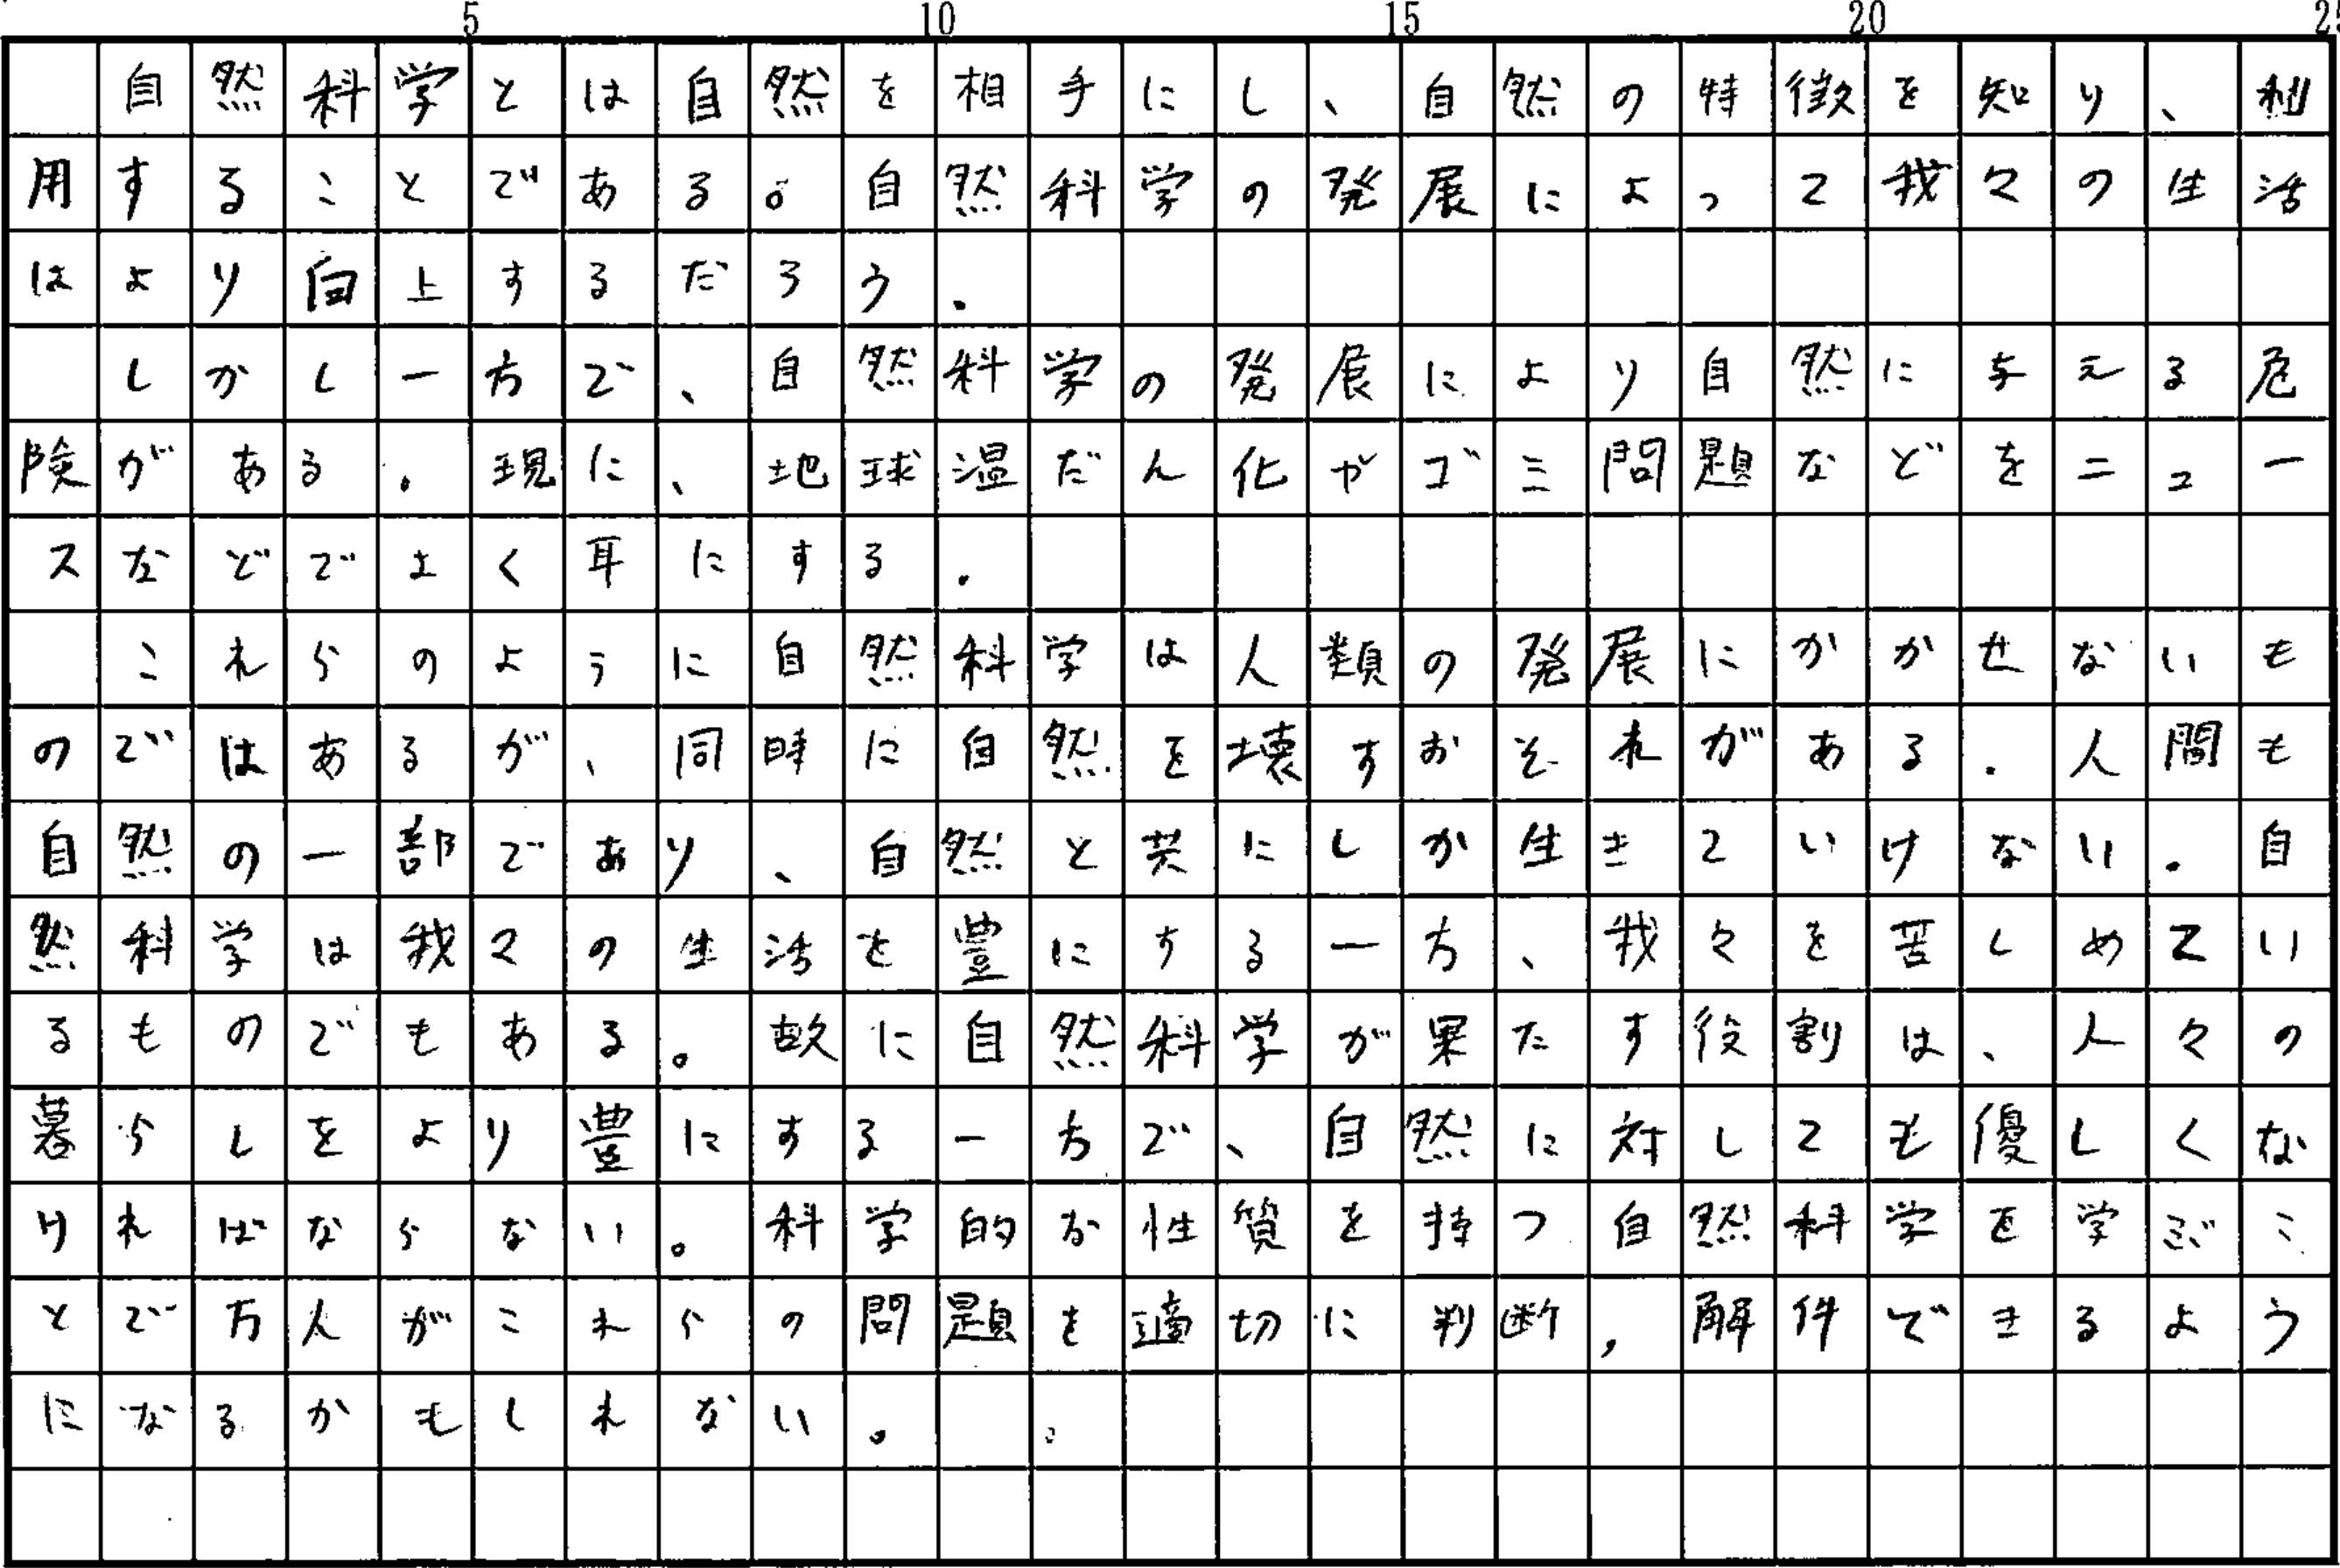　自然科学とは自然を相手にし、自然の特徴を知り、利用することである。自然科学の発展によって我々の生活はより向上するだろう。
　しかし一方で、自然科学の発展により自然に与える危険がある。現に、地球温だん化やゴミ問題などをニュースなどでよく耳にする。
　これらのように自然科学は人類の発展にかかせないものではあるが、同時に自然を壊すおそれがある。人間も自然の一部であり、自然と共にしか生きていけない。自然科学は我々の生活を豊にする一方、我々を苦しめているものでもある。故に自然科学が果たす役割は、人々の暮らしをより豊にする一方で、自然に対しても優しくなければならない。科学的な性質を持つ自然科学を学ぶことで万人がこれらの問題を適切に判断，解件できるようになるかもしれない。
